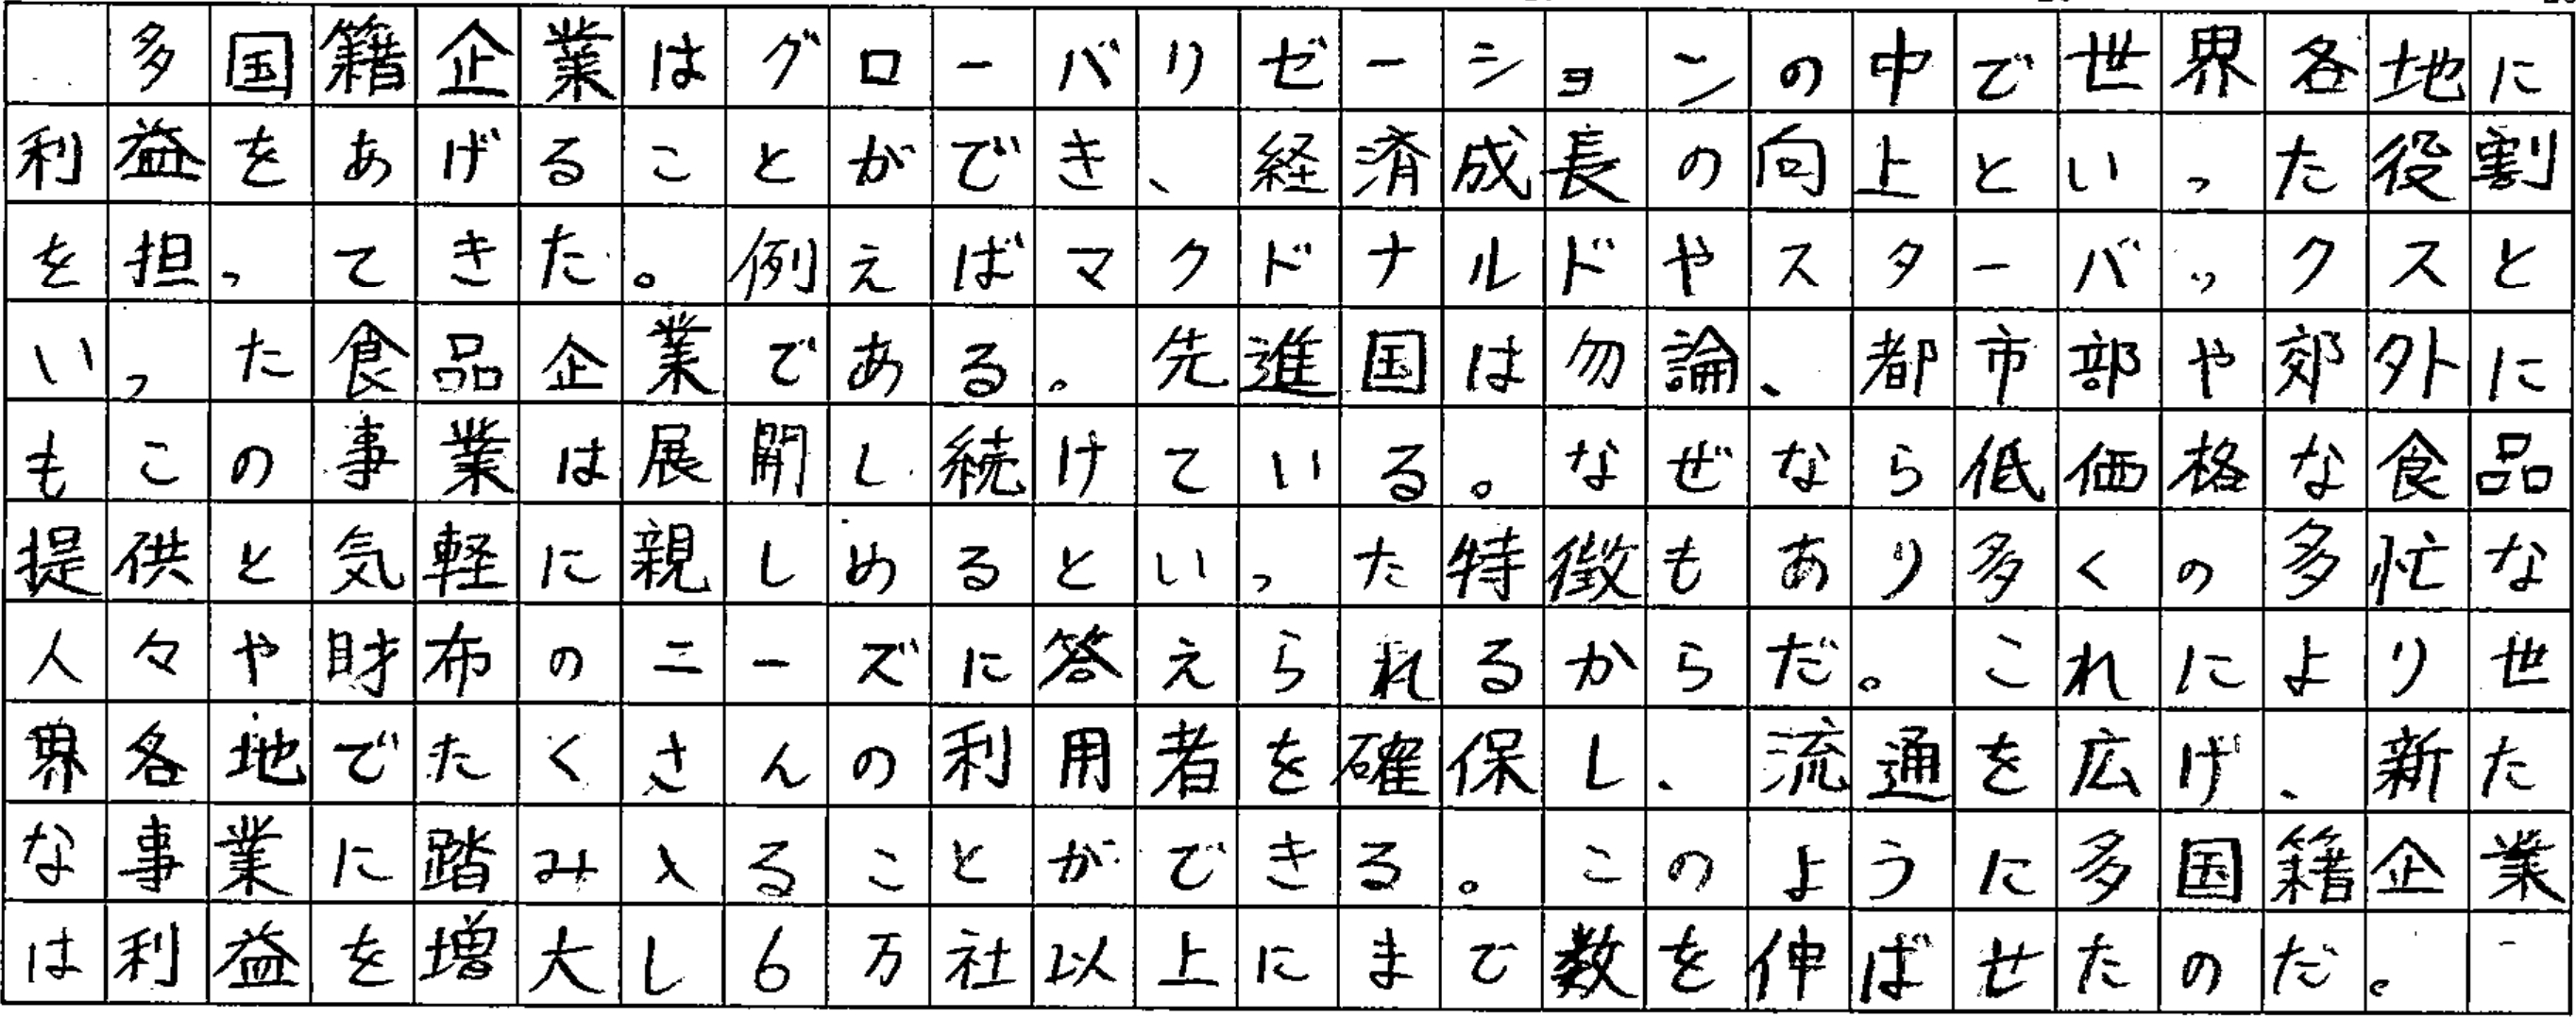　多国籍企業はグローバリゼーションの中で世界各地に利益をあげることができ、経済成長の向上といった役割を担ってきた。例えばマクドナルドやスターバックスといった食品企業である。先進国は勿論、都市部や郊外にもこの事業は展開し続けている。なぜなら低価格な食品提供と気軽に親しめるといった特徴もあり多くの多忙な人々や財布のニーズに答えられるからだ。これにより世界各地でたくさんの利用者を確保し、流通を広げ、新たな事業に踏み入ることができる。このように多国籍企業は利益を増大し６万社以上にまで数を伸ばせたのだ。
